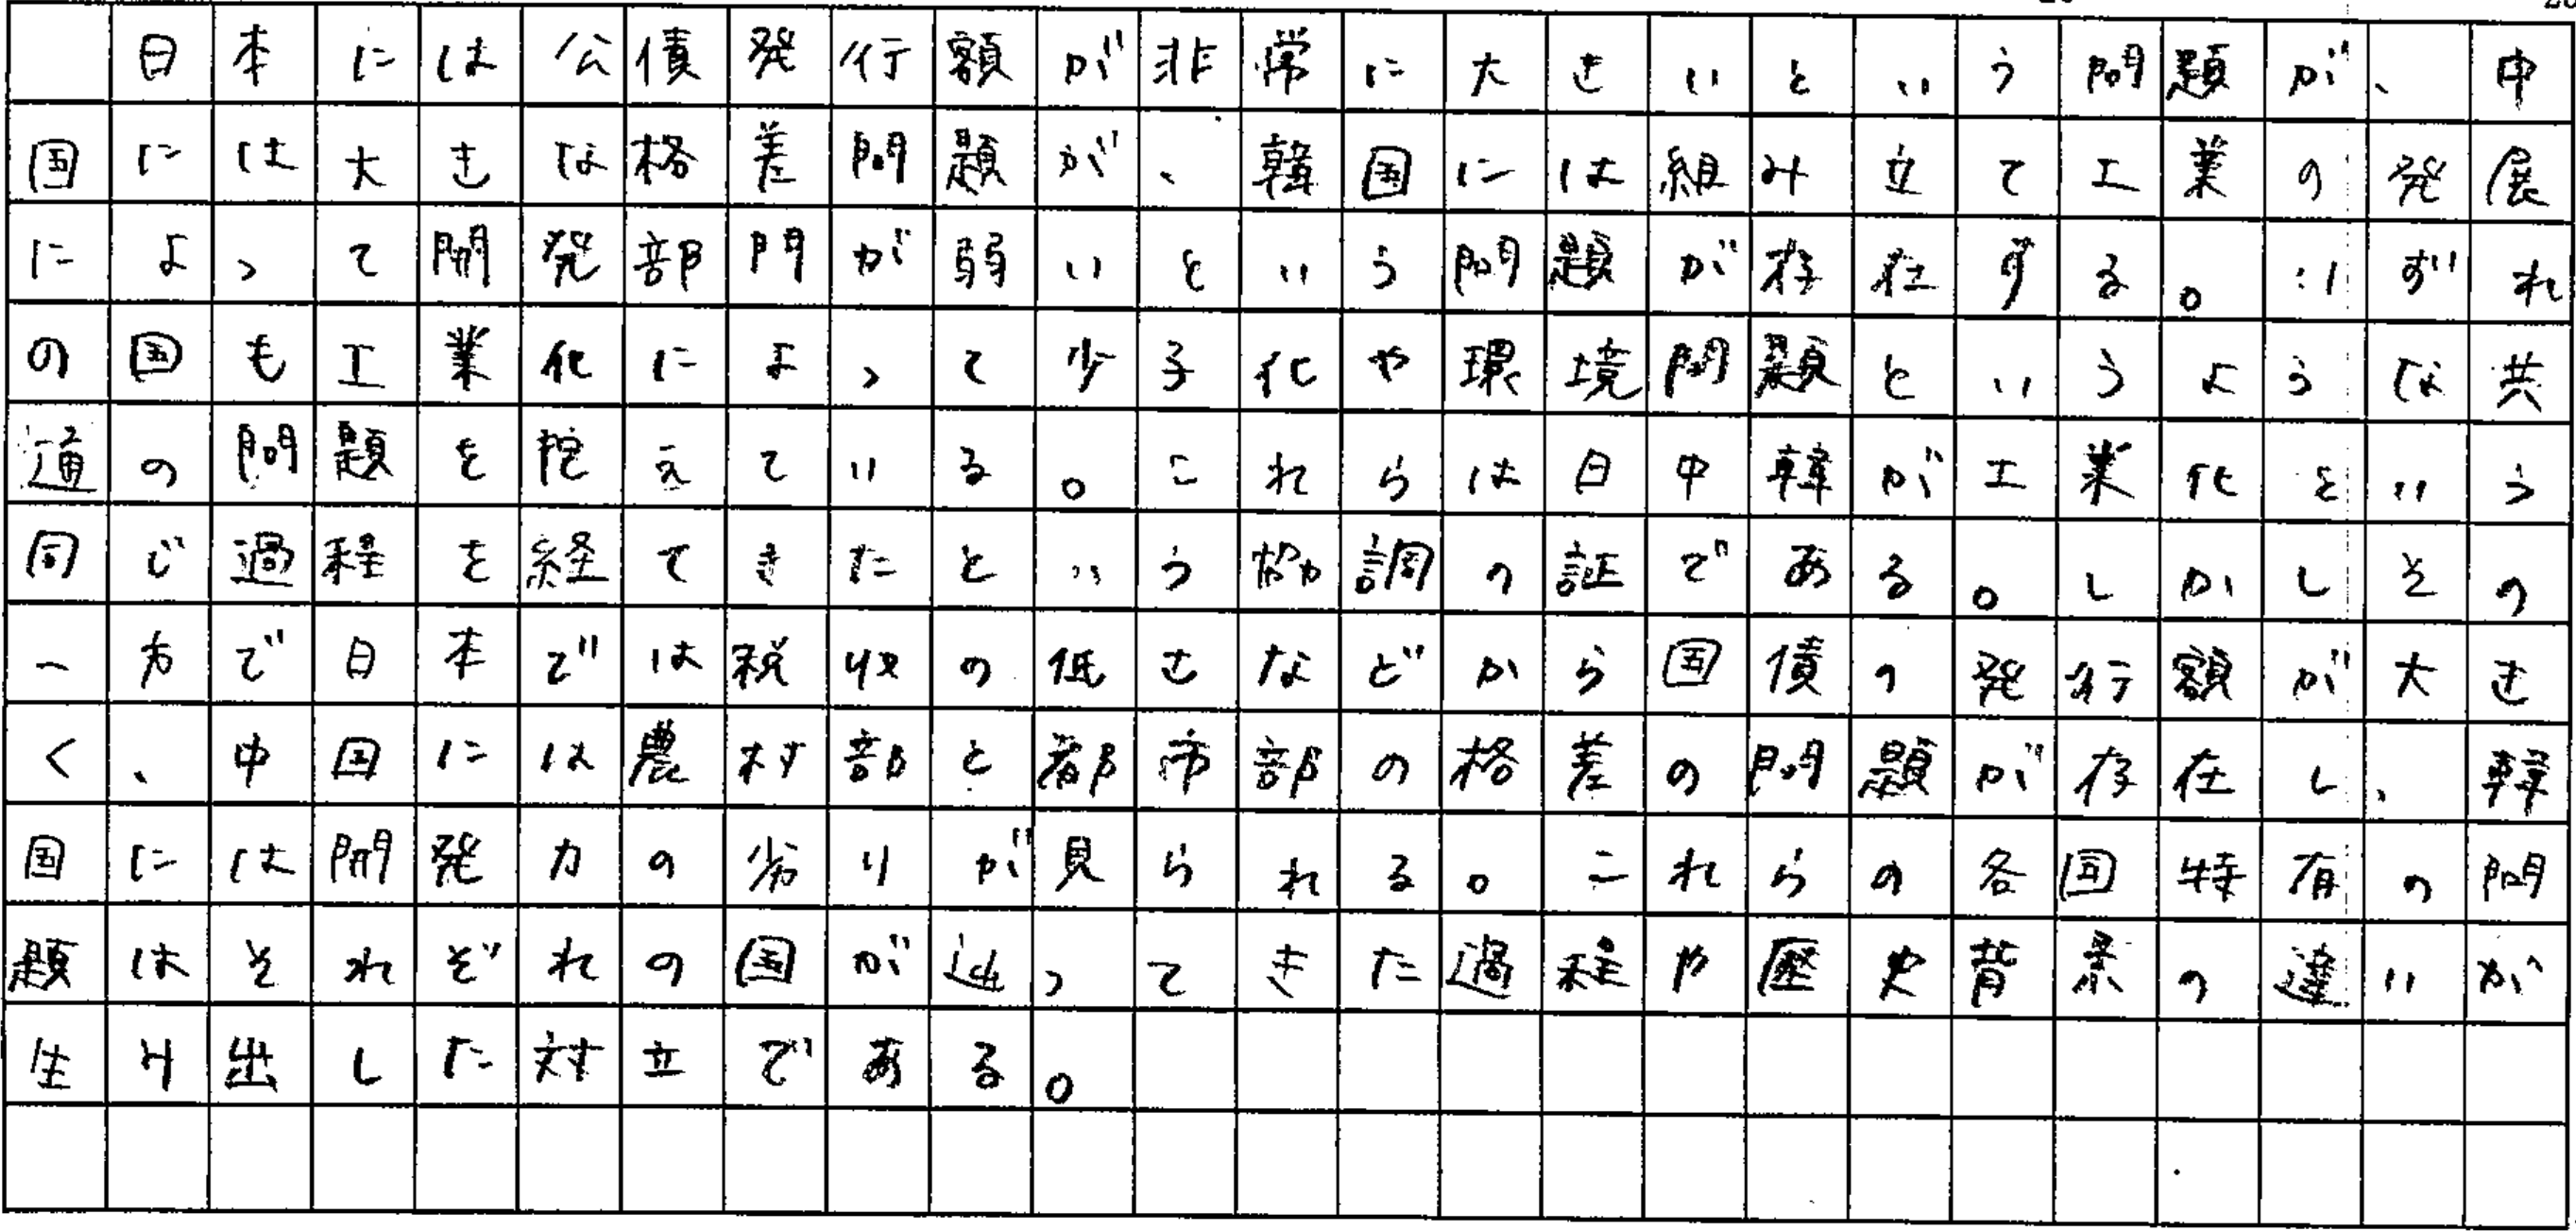　日本には公債発行額が非常に大きいという問題が、中国には大きな格差問題が、韓国には組み立て工業の発展によって開発部門が弱いという問題が存在する。いずれの国も工業化によって少子化や環境問題というような共通の問題を抱えている。これらは日中韓が工業化という同じ過程を経てきたという協調の証である。しかしその一方で日本では税収の低さなどから国債の発行額が大きく、中国には農村部と都市部の格差の問題が存在し、韓国には開発力の劣りが見られる。これらの各国特有の問題はそれぞれの国が辿ってきた過程や歴史背景の違いが生み出した対立である。
